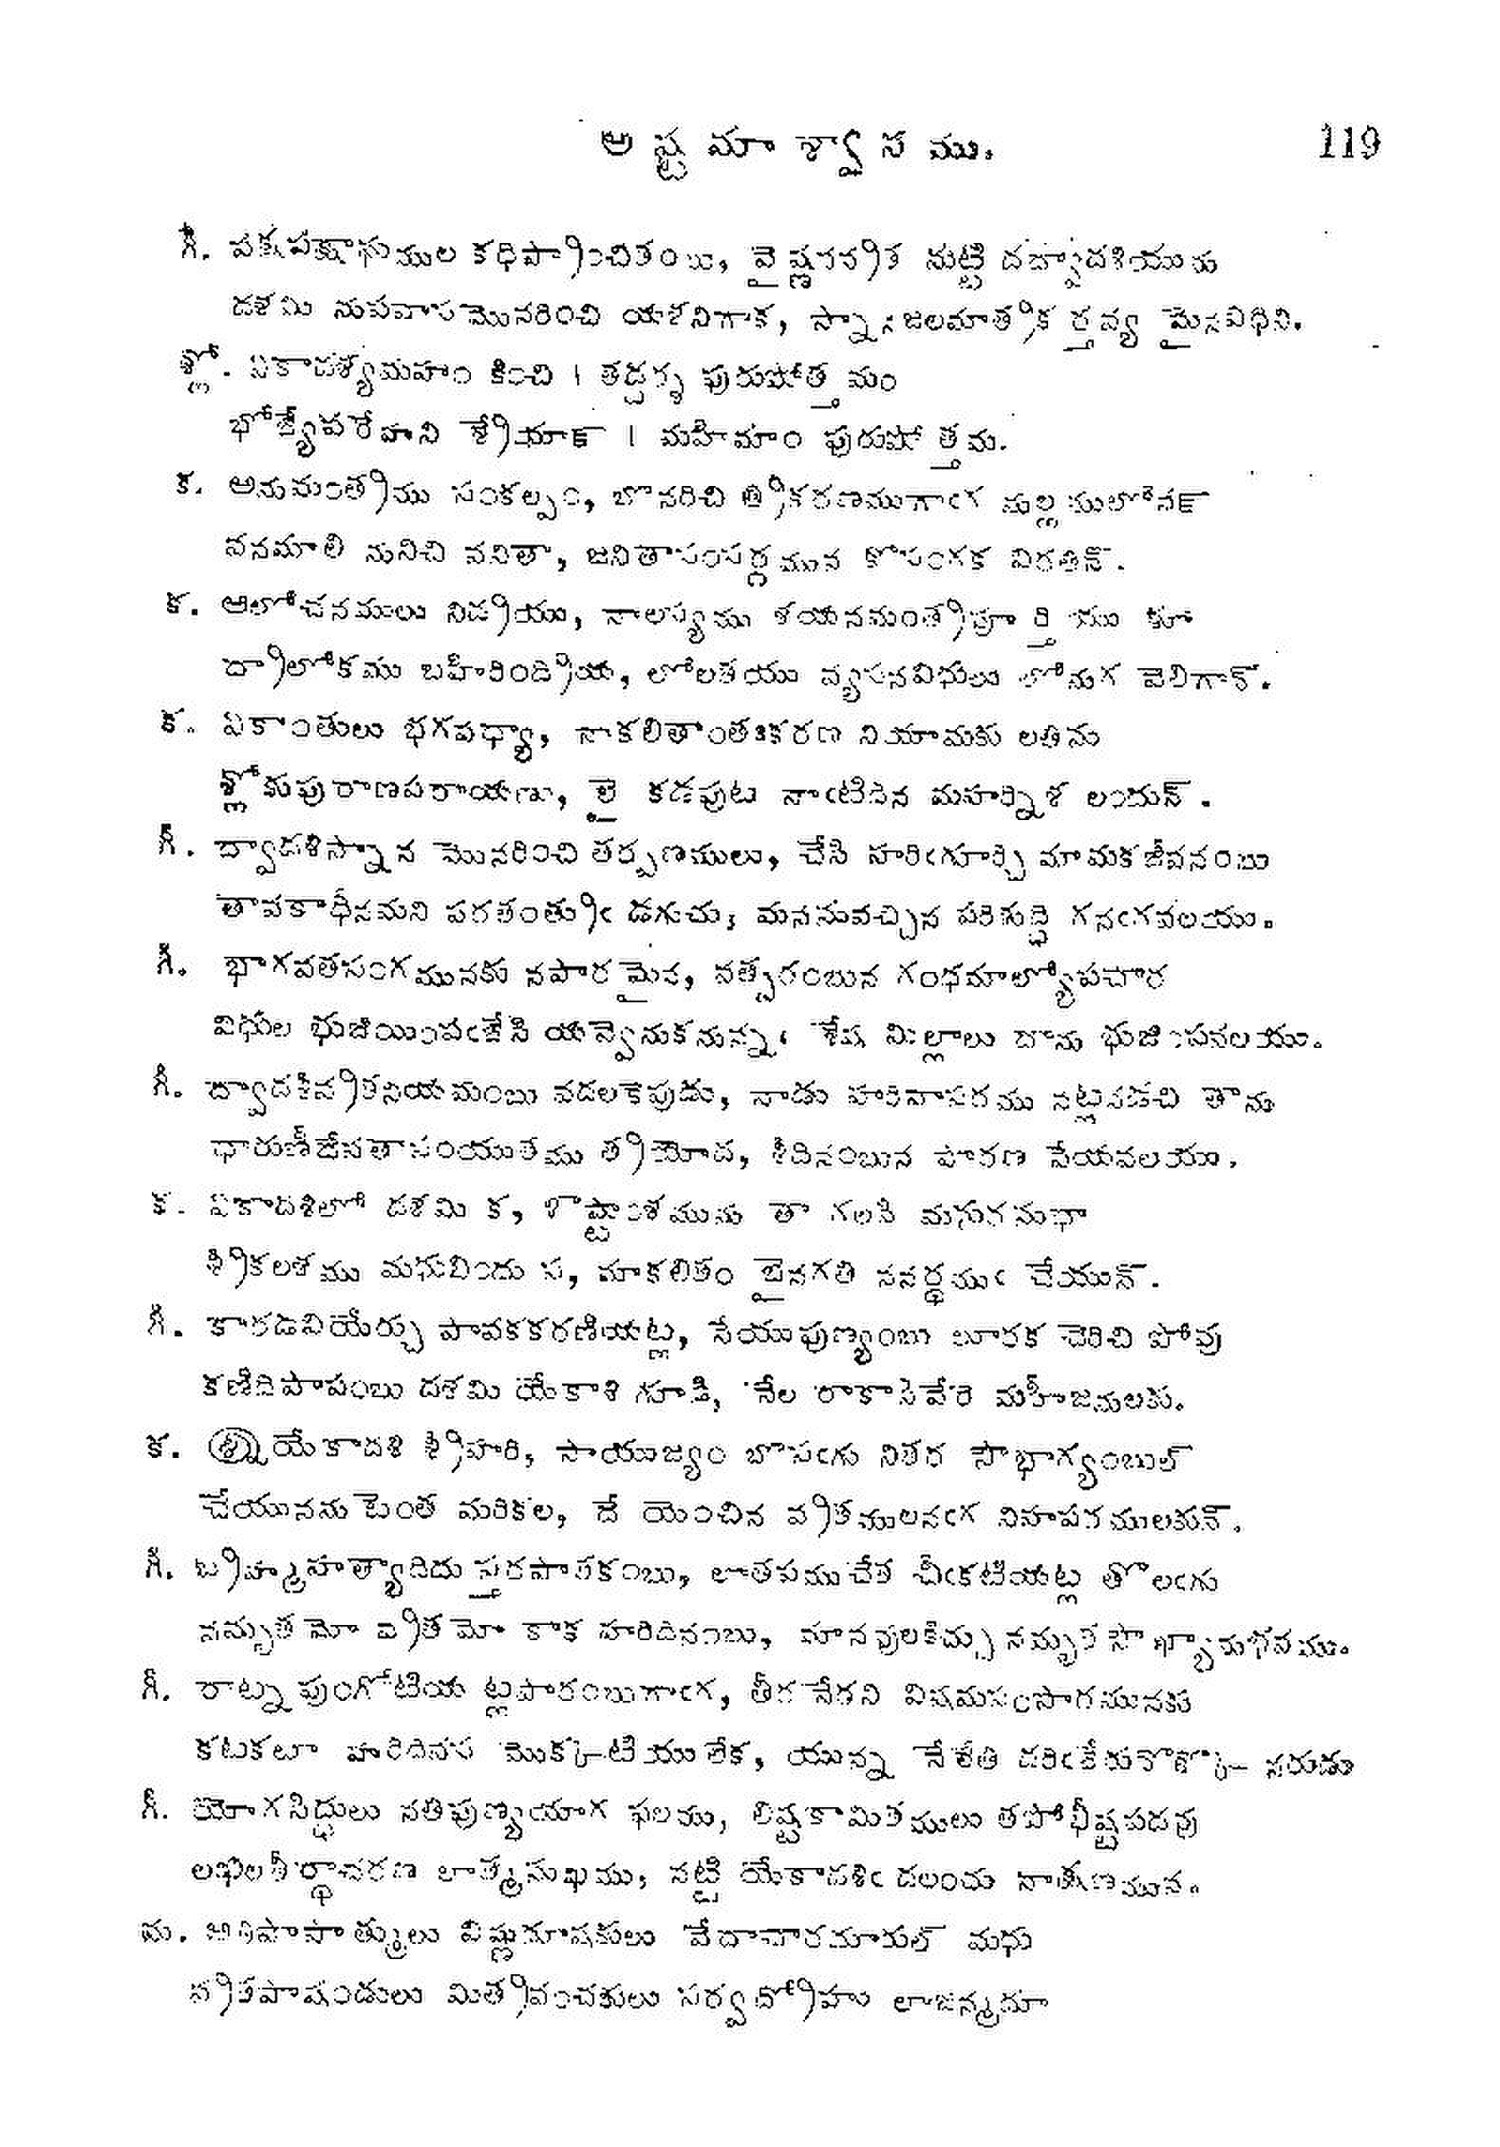గీ. పక్షపక్షాఘముల కధిప్రాంచితంబు, వైష్ణవవ్రత మట్టి దద్వాదశియును
 దశమి నుపవస మొనరించి యశనిగాక, స్నానజలమాత్రకర్తవ్య మైనవిధిని.
శ్లో. ఏకాదశ్యమహం కించి । తద్దర్శ పురుపోత్తమం
 భోజ్యేపరేహని శ్రేయాన్ । మహిమాం పురుషోత్తమ.
క. అనుమంత్రము సంకల్పం, బొనరించి త్రికరణము గాఁగ నుల్లములోనన్
 వనమాలి నునిచి వనితా, జనితాసంసర్గమున కొసంగక విరతిన్.
క. ఆలోచనములు నిద్రయు, నాలస్యము శయనమంత్రపూర్తియు శూ
 ద్రాలోకము బహిరింద్రియ, లోలతయు వ్యసనవిధులు లోనుగ వెలిగాన్.
క. ఏకాంతులు భగవధ్యా, నాకలితాంతఃకరణ నియామకు లతిసు
 శ్లోకుపురాణపరాయణు, లై కడపుట నాఁటిదిన మహర్నిశ లందున్.
గీ. ద్వాదశిస్నాన మొనరించి తర్పణములు, చేసి హరిఁ గూర్చి మామకజీవనంబు
 తావకాధీనమని పరతంత్రుఁ డగుచు, మనసువచ్చిన పరిశుద్ధి గనఁగవలయు.
గీ. భాగవతసంగమునకు నపారమైన, వత్సరంబున గంధమాల్యోపచార
 విధుల భుజియింపఁజేసి యవ్వెనుక నున్న, శేష మిల్లాలు దాను భుజింపవలయు.
గీ. ద్వాదశీవ్రతయమంబు వదల కెపుడు, నాడు హరివాసరము నట్లనడచి తాను
 ధారుణీదేవతాసంయుతము త్రయోద, శీదినంబున పారణ సేయవలయు.
క. ఏకాదశిలో దశమి క, ళాష్టాంశమును తా గలసి మధురసుధా
 శ్రీకలశము మధుబిందు స, మాకలికం బైనగతి ననర్థముఁ చేయున్.
గీ. కారడవి యేర్చు పావకకరణియట్ల, సేయుపుణ్యంబు లూరక చెరిచి పోవు
 కణిదిపాపంబు దశమి యేకాశి గూడి, నేల రాకాసివేరె మహీజనులకు.
క. శ్రీయేకాదశి శ్రీహరి, సాయుజ్యం బొసఁగు నితరసౌభాగ్యంబుల్
 చేయుననుటెంత మరికల, దే యెంచిన వ్రతములనఁగ నిహపరములకున్.
గీ. బ్రహ్మహత్యాదిదుస్తరపాతకంబు, లాతపముచేత చీఁకటియట్ల తొలఁగు
 నమృతమో వ్రతమో కాక హరిదినంబు, మానవుల కిచ్చు నమృతసౌఖ్యానుభవము.
గీ. రాట్నపుంగోటియ ట్లపారంబు గాఁగ, తీరనేరని విషమసంసారమునకు
 కటకటా హరిదిన మొక్కటియులేక, యున్న నే రీతి దరిఁజేరునొక్కొ నరుఁడు.
గీ. యోగసిద్ధులు నతిపుణ్యయాగఫలము, లిష్టకామితములు తపోభీష్టపదవు
 లఖిలతీర్థాచరణ లాత్మసుఖము, నట్టి యేకాదశిఁ దలంచు నాక్షణమున.
మ. అతిపాపాత్ములు విష్ణుదూషకులు వేదాచారదూరుల్ మధు
 వ్రతపాషండులు మిత్రవంచకులు సర్వద్రోహు లాజన్మదూ